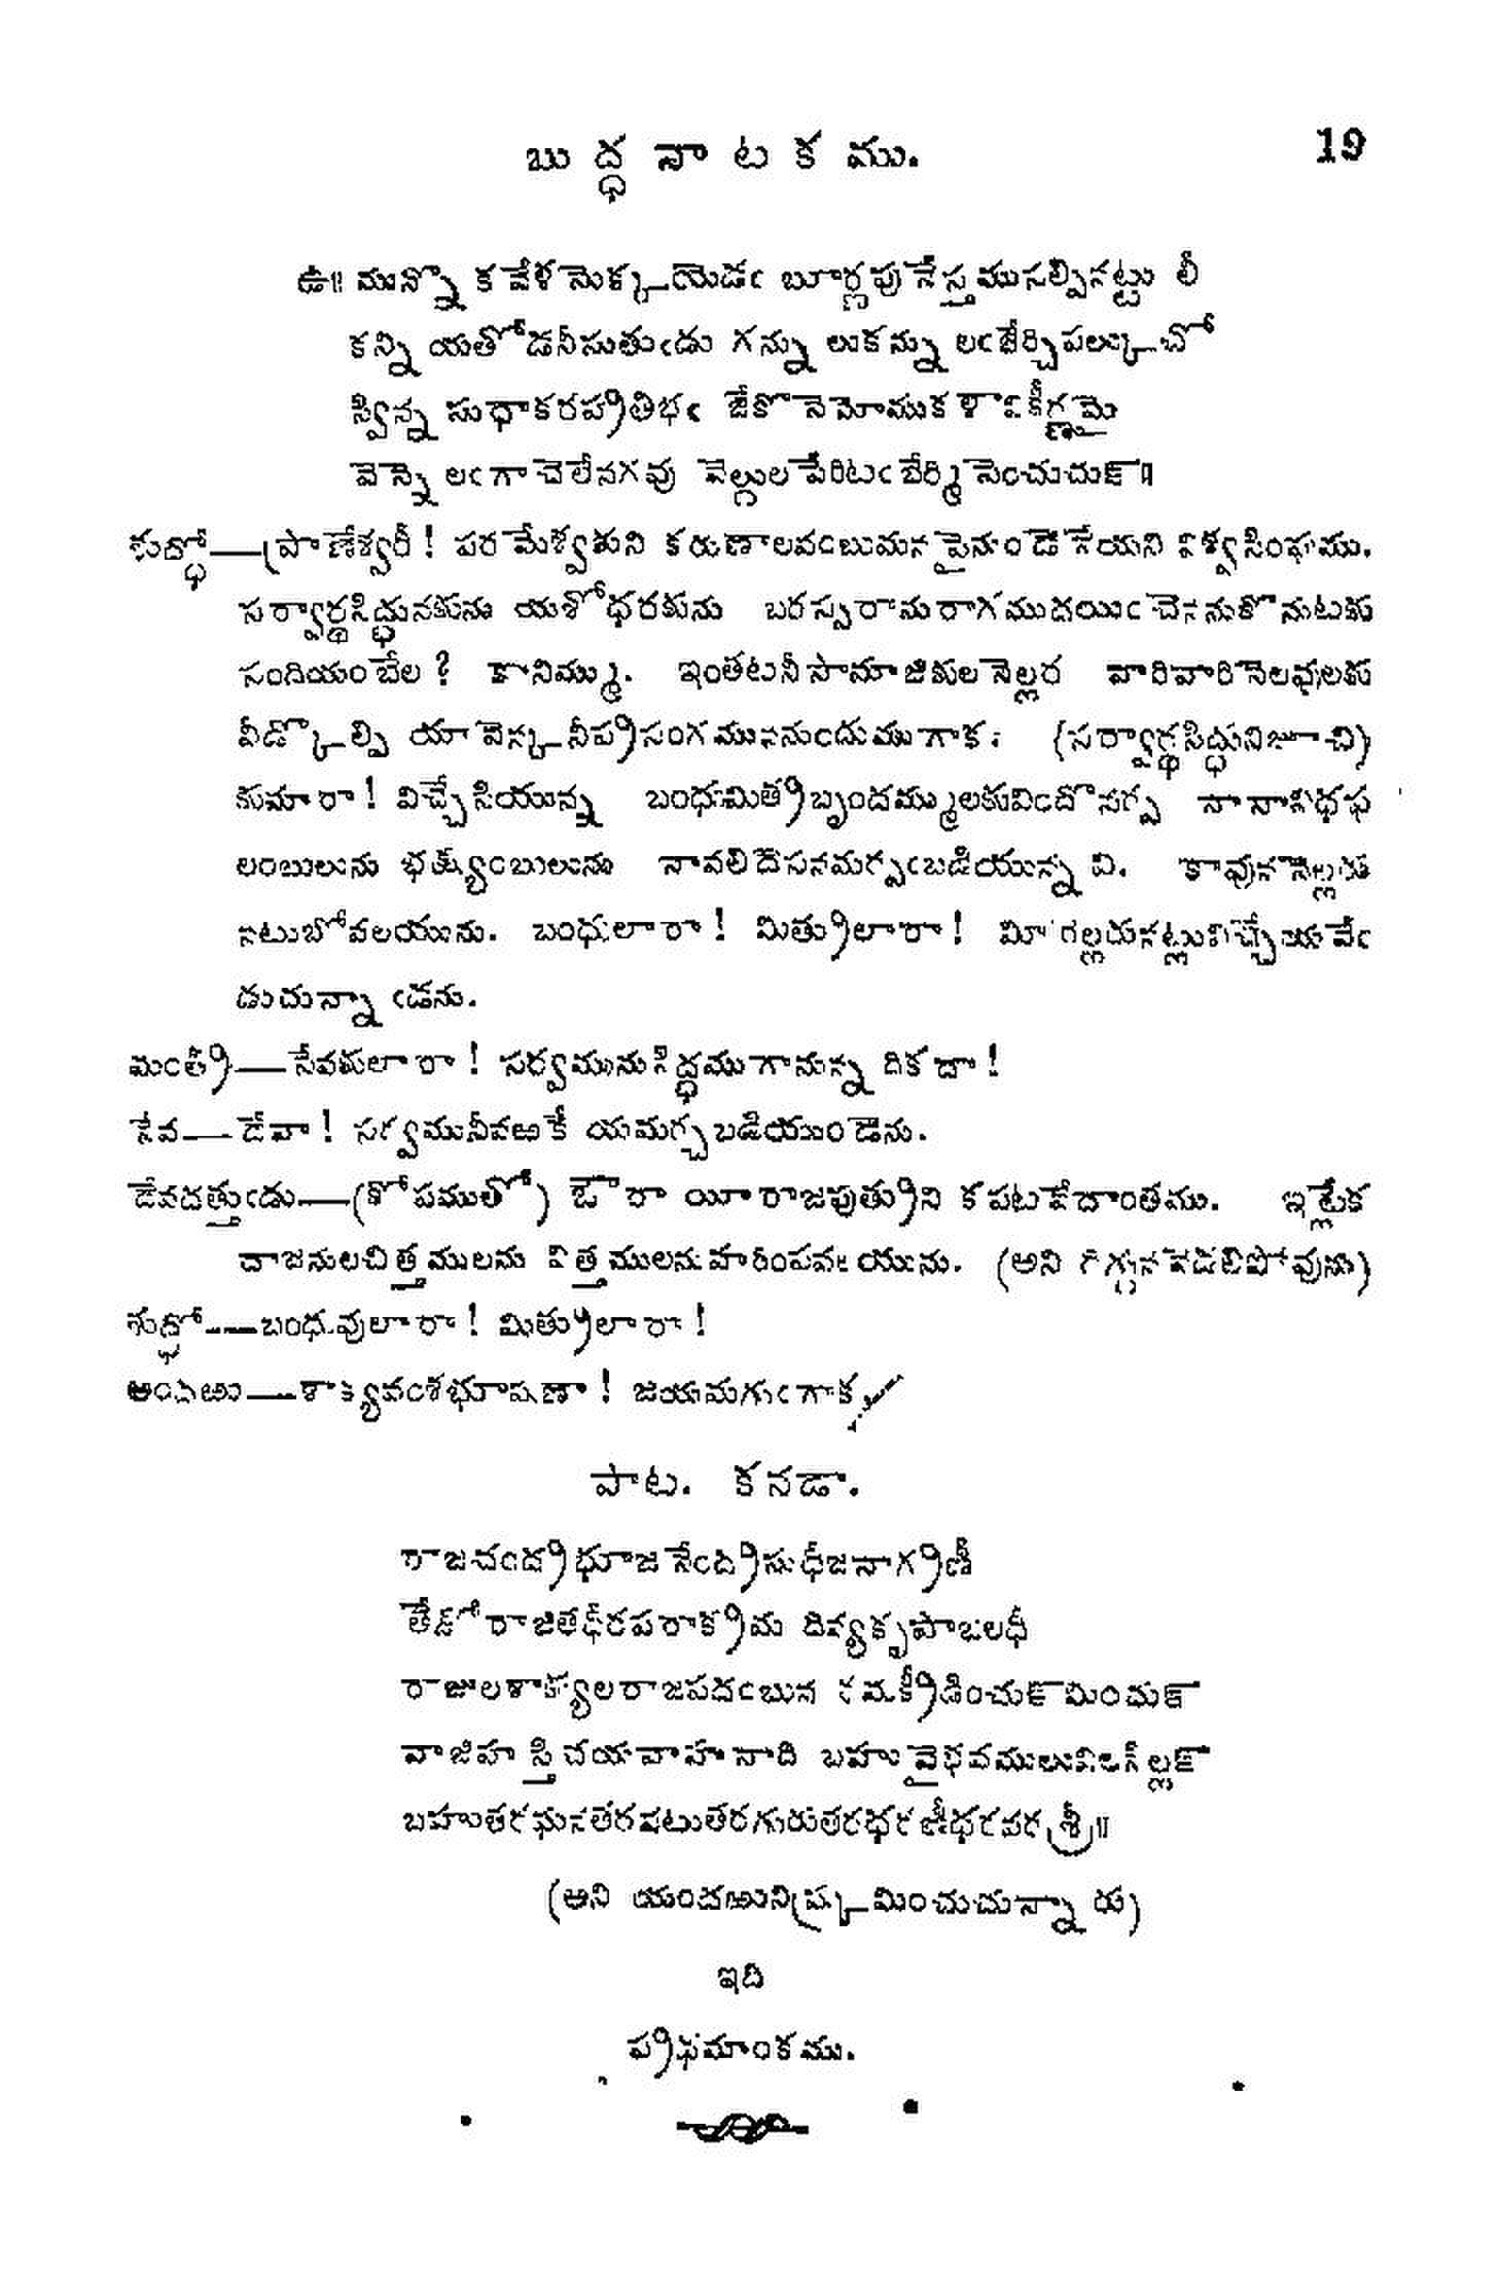ఉ॥ మున్నొకవేళనెక్కయెడఁ బూర్ణపునేస్తముసల్పినట్టు లీ
కన్నియతోడనీసుతుఁడు గన్నులుకన్నులఁజేర్చి పల్కుచో
స్విన్న సుధాకరప్రతిభఁ జేకొనెమోముకళావికీర్ణమై
వెన్నెలఁగాచెలేనగవు వెల్గులపేరిటఁబేర్మిపెంచుచు౯ 

శుద్ధో — ప్రాణేశ్వరీ! పరమేశ్వరుని కరుణాలవఁబుమనపైనుండెసేయని విశ్వసింపుము. సర్వార్థసిద్ధునకును యశోధరకును బరస్సరామరాగ ముదయించెననుకొనుటకు సందియంబేల? కానిమ్ము. ఇంతటనీసామాజికులనెల్లరు వారివారినెలవులకు వీడ్కొల్పియావెన్కనీప్రసంగము ననుఁదుముగాక. (సర్వార్థసిద్ధుని జూచి) కుమారా! విచ్చేసియున్న బంధుమిత్ప్ర బృందమ్ములకువిందొనర్ప నానావిధసలంబులును 
భక్ష్యంబులును నావలిదెసనమర్పఁబడియున్నవి. కావుననెల్లరు నటుబోవలయును. బంధులారా! మిత్రులారా! మీరెల్లరునట్లువిచ్చేయవేఁ
దుచున్నాఁడను.

మంత్రి — సేవకులారా! సర్వమును సిద్ధముగానున్నదికదా!

సేన - దేవా! సర్వమునీవఱకే యమర్చబడియుండెను.

దేవదత్తుఁడు — (కోపముతో) ఔరా యీ రాజపుత్రుని కపటవేదాంతము. ఇట్లేకదాజనులచిత్తములను విత్తములనుహరింపవలయును. (అని దిగ్గున వెడలిపోవును)

శుద్ధో - బంధువులారా! మిత్రులారా!

అందఱు — శాక్యవంశభూషణా! జయమగుఁగాక

రాజచంద్రభూజనేంద్రిసుధీజనాగ్రణీ
తేజోరాజితధీరపరాక్రమ దివ్యకృపాజలధీ
రాజులశాక్యులరాజపదఁబున రమక్రీడించు౯మించు౯
వాజిహస్తిచయవాహనాది బహువైభవములునిలసిల్ల౯
బహుతరఘనతరవటుతరగురుతధరణీధరవరశ్రీ॥